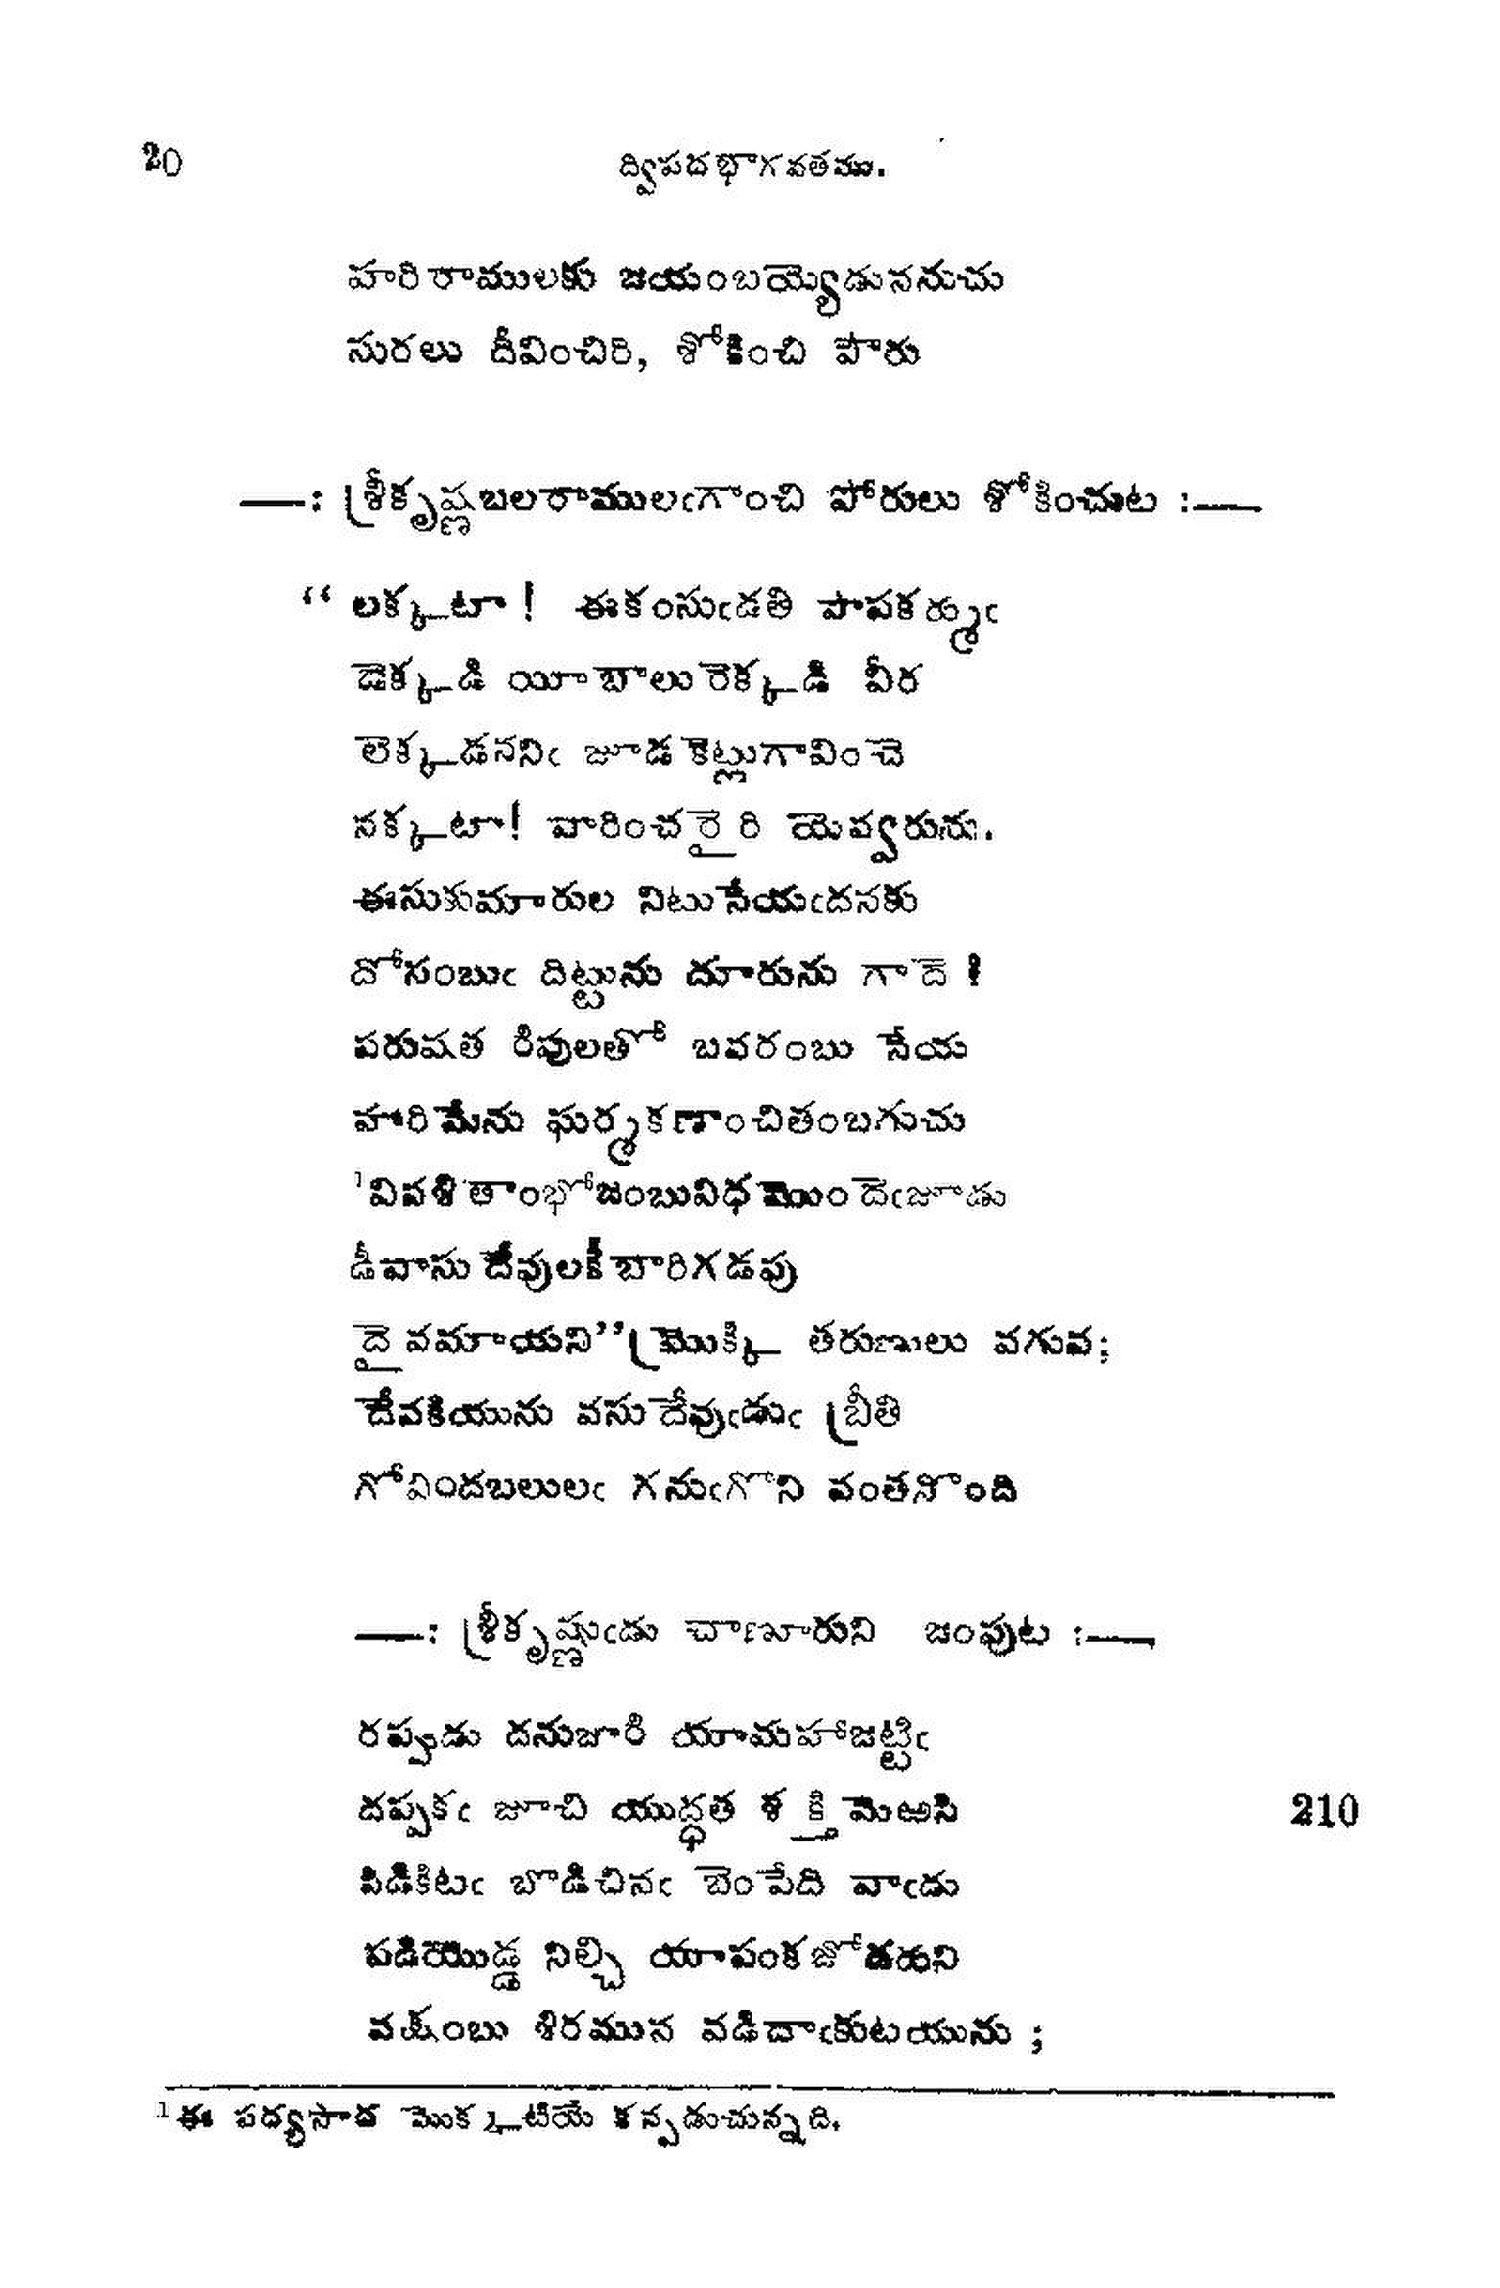హరిరాములకు జయంబయ్యెడుననుచు
సురలు దీవించిరి, శోకించి పౌరు

“లక్కటా! ఈకంసుఁ డతిపాపకర్ముఁ
డెక్కడి యీబాలు రెక్కడి వీర
లెక్కడననిఁ జూడ కెట్లు గావించె
నక్కటా! వారించరైరి యెవ్వరును.
ఈసుకుమారుల నిటు సేయఁ దనకు
దోసంబుఁ దిట్టును దూరును గాదె?
పరుషత రిపులతో బవరంబు నేయ
హరిమేను ఘర్మకణాంచితం బగుచు
వివశితాంభోజంబువిధ మొందెఁ జూడు
డీవాసుదేవుల కీబారిగడపు
దైవమాయని" మ్రొక్కి తరుణులు వగువ;
దేవకియును వసుదేవుఁడుఁ బ్రీతి
గోవిందబలులఁ గనుఁగొని వంతనొంది

రప్పుడు దనుజారి యామహాజట్టి
దప్పకఁ జూచి యుద్ధత శక్తి మెఱసి
పిడికిటఁ బొడిచినఁ బెంపేది వాఁడు
పడియొడ్డ నిల్చి యపంకజోదరుని
వక్షంబు శిరమున వడిదాఁకుటయును;